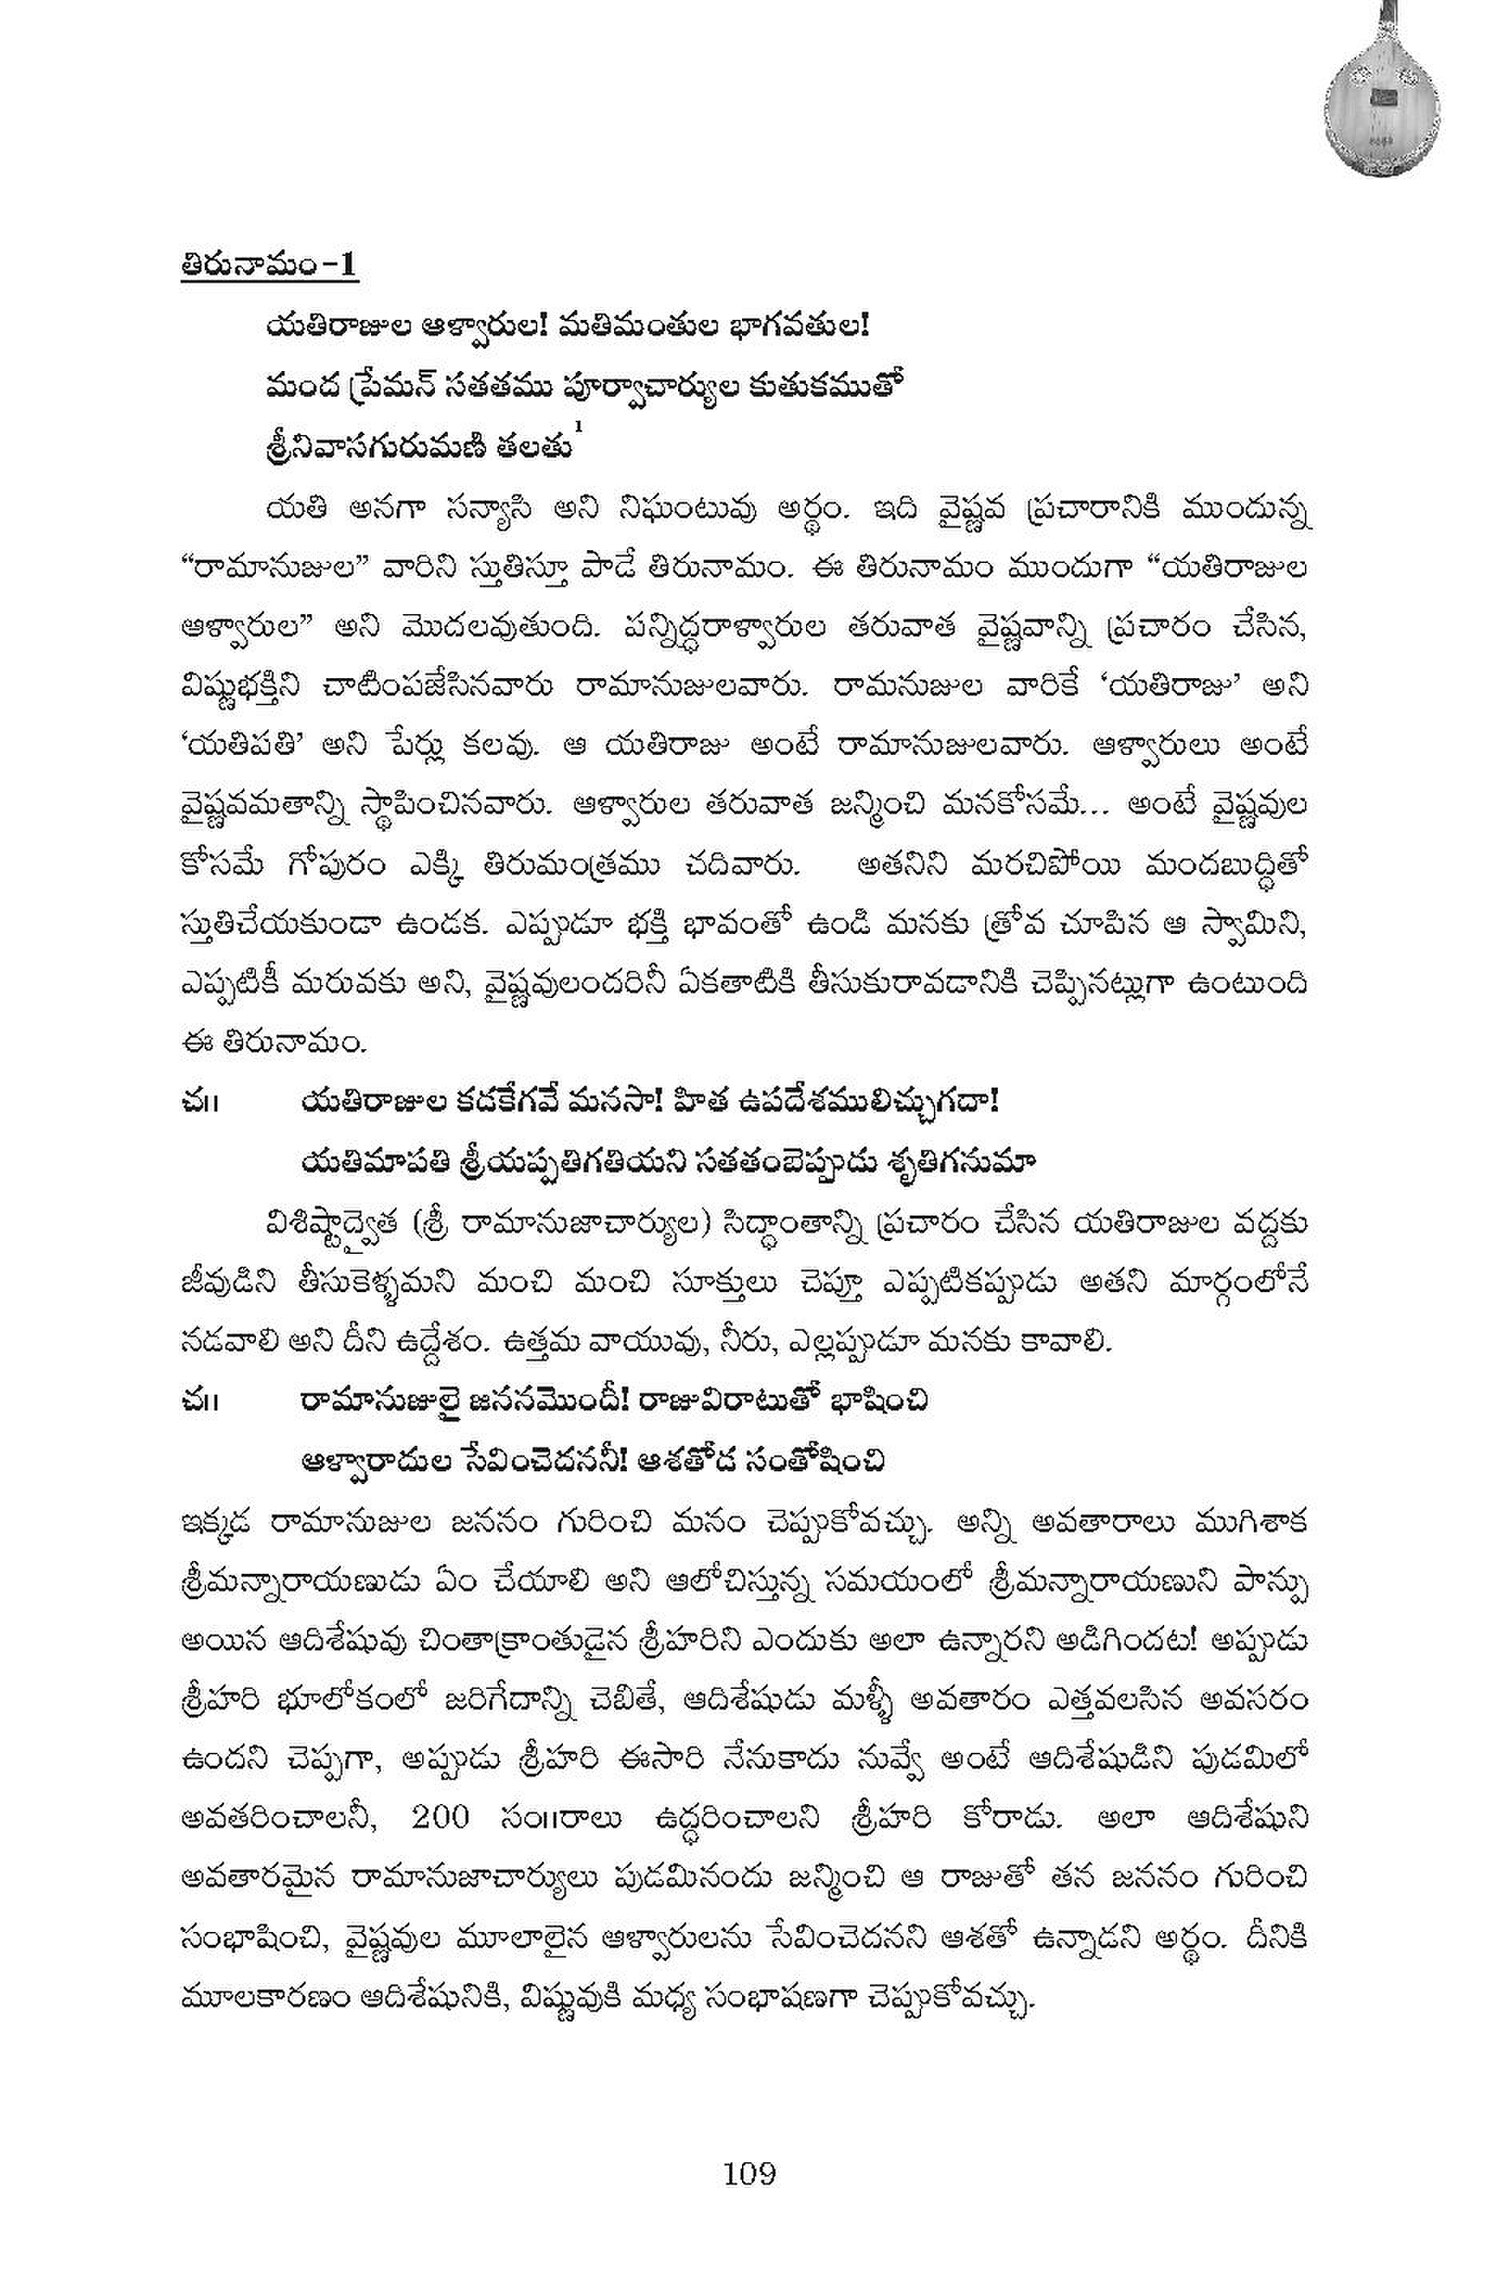తిరునామం-1

యతిరాజుల ఆళ్వారుల! మతిమంతుల భాగవతుల!
మంద ప్రేమన్ సతతము పూర్వాచార్యుల కుతుకముతో
శ్రీనివాసగురుమణి తలతు1

యతి అనగా సన్యాసి అని నిఘంటువు అర్థం. ఇది వైష్ణవ ప్రచారానికి ముందున్న “రామానుజుల” వారిని స్తుతిస్తూ పాడే తిరునామం. ఈ తిరునామం ముందుగా “యతిరాజుల ఆళ్వారుల” అని మొదలవుతుంది. పన్నిద్దరాళ్వారుల తరువాత వైష్ణవాన్ని ప్రచారం చేసిన, విష్ణుభక్తిని చాటింపజేసినవారు రామానుజులవారు. రామనుజుల వారికే 'యతిరాజు' అని
'యతిపతి' అని పేర్లు కలవు. ఆ యతిరాజు అంటే రామానుజులవారు. ఆళ్వారులు అంటే వైష్ణవమతాన్ని స్థాపించిన వారు. ఆళ్వారుల తరువాత జన్మించి మనకోసమే... అంటే వైష్ణవుల కోసమే గోపురం ఎక్కి తిరుమంత్రము చదివారు. అతనిని మరచిపోయి మందబుద్ధితో స్తుతిచేయకుండా ఉండక. ఎప్పుడూ భక్తి భావంతో ఉండి మనకు త్రోవ చూపిన ఆ స్వామిని, ఎప్పటికీ మరువకు అని, వైష్ణవులందరినీ ఏకతాటికి తీసుకురావడానికి చెప్పినట్లుగా ఉంటుంది ఈ తిరునామం.

చ౹౹ యతిరాజుల కడకేగవే మనసా! హిత ఉపదేశములిచ్చుగదా!
యతిమాపతి శ్రీయప్పతిగతియని సతతంబెప్పుడు శృతిగనుమా 

విశిష్టాద్వైత (శ్రీ రామానుజాచార్యులు) సిద్ధాంతాన్ని ప్రచారం చేసిన యతిరాజుల వద్దకు జీవుడిని తీసుకెళ్ళమని మంచి మంచి సూక్తులు చెప్తూ ఎప్పటికప్పుడు అతని మార్గంలోనే నడవాలి అని దీని ఉద్దేశం. ఉత్తమ వాయువు, నీరు, ఎల్లప్పుడూ మనకు కావాలి.

చ౹౹ రామానుజులై జననమొందీ! రాజువిరాటుతో భాషించి
ఆళ్వారాదుల సేవించెదననీ! ఆశతోడ సంతోషించి

ఇక్కడ రామానుజుల జననం గురించి మనం చెప్పుకోవచ్చు. అన్ని అవతారాలు ముగిశాక శ్రీమన్నారాయణుడు ఏం చేయాలి అని ఆలోచిస్తున్న సమయంలో శ్రీమన్నారాయణుని పాన్పు అయిన ఆదిశేషువు చింతాక్రాంతుడైన శ్రీహరిని ఎందుకు అలా ఉన్నారని అడిగిందట! అప్పుడు శ్రీహరి భూలోకంలో జరిగేదాన్ని చెబితే, ఆదిశేషుడు మళ్ళీ అవతారం ఎత్తవలసిన అవసరం ఉందని చెప్పగా, అప్పుడు శ్రీహరి ఈసారి నేనుకాదు నువ్వే అంటే ఆదిశేషుడిని పుడమిలో
అవతరించాలనీ, 200 సం॥రాలు ఉద్దరించాలని శ్రీహరి కోరాడు. అలా ఆదిశేషుని అవతారమైన రామానుజాచార్యులు పుడమినందు జన్మించి ఆ రాజుతో తన జననం గురించి సంభాషించి, వైష్ణవుల మూలాలైన ఆళ్వారులను సేవించెదనని ఆశతో ఉన్నాడని అర్థం. దీనికి మూలకారణం ఆదిశేషునికి, విష్ణువుకి మధ్య సంభాషణగా చెప్పుకోవచ్చు.